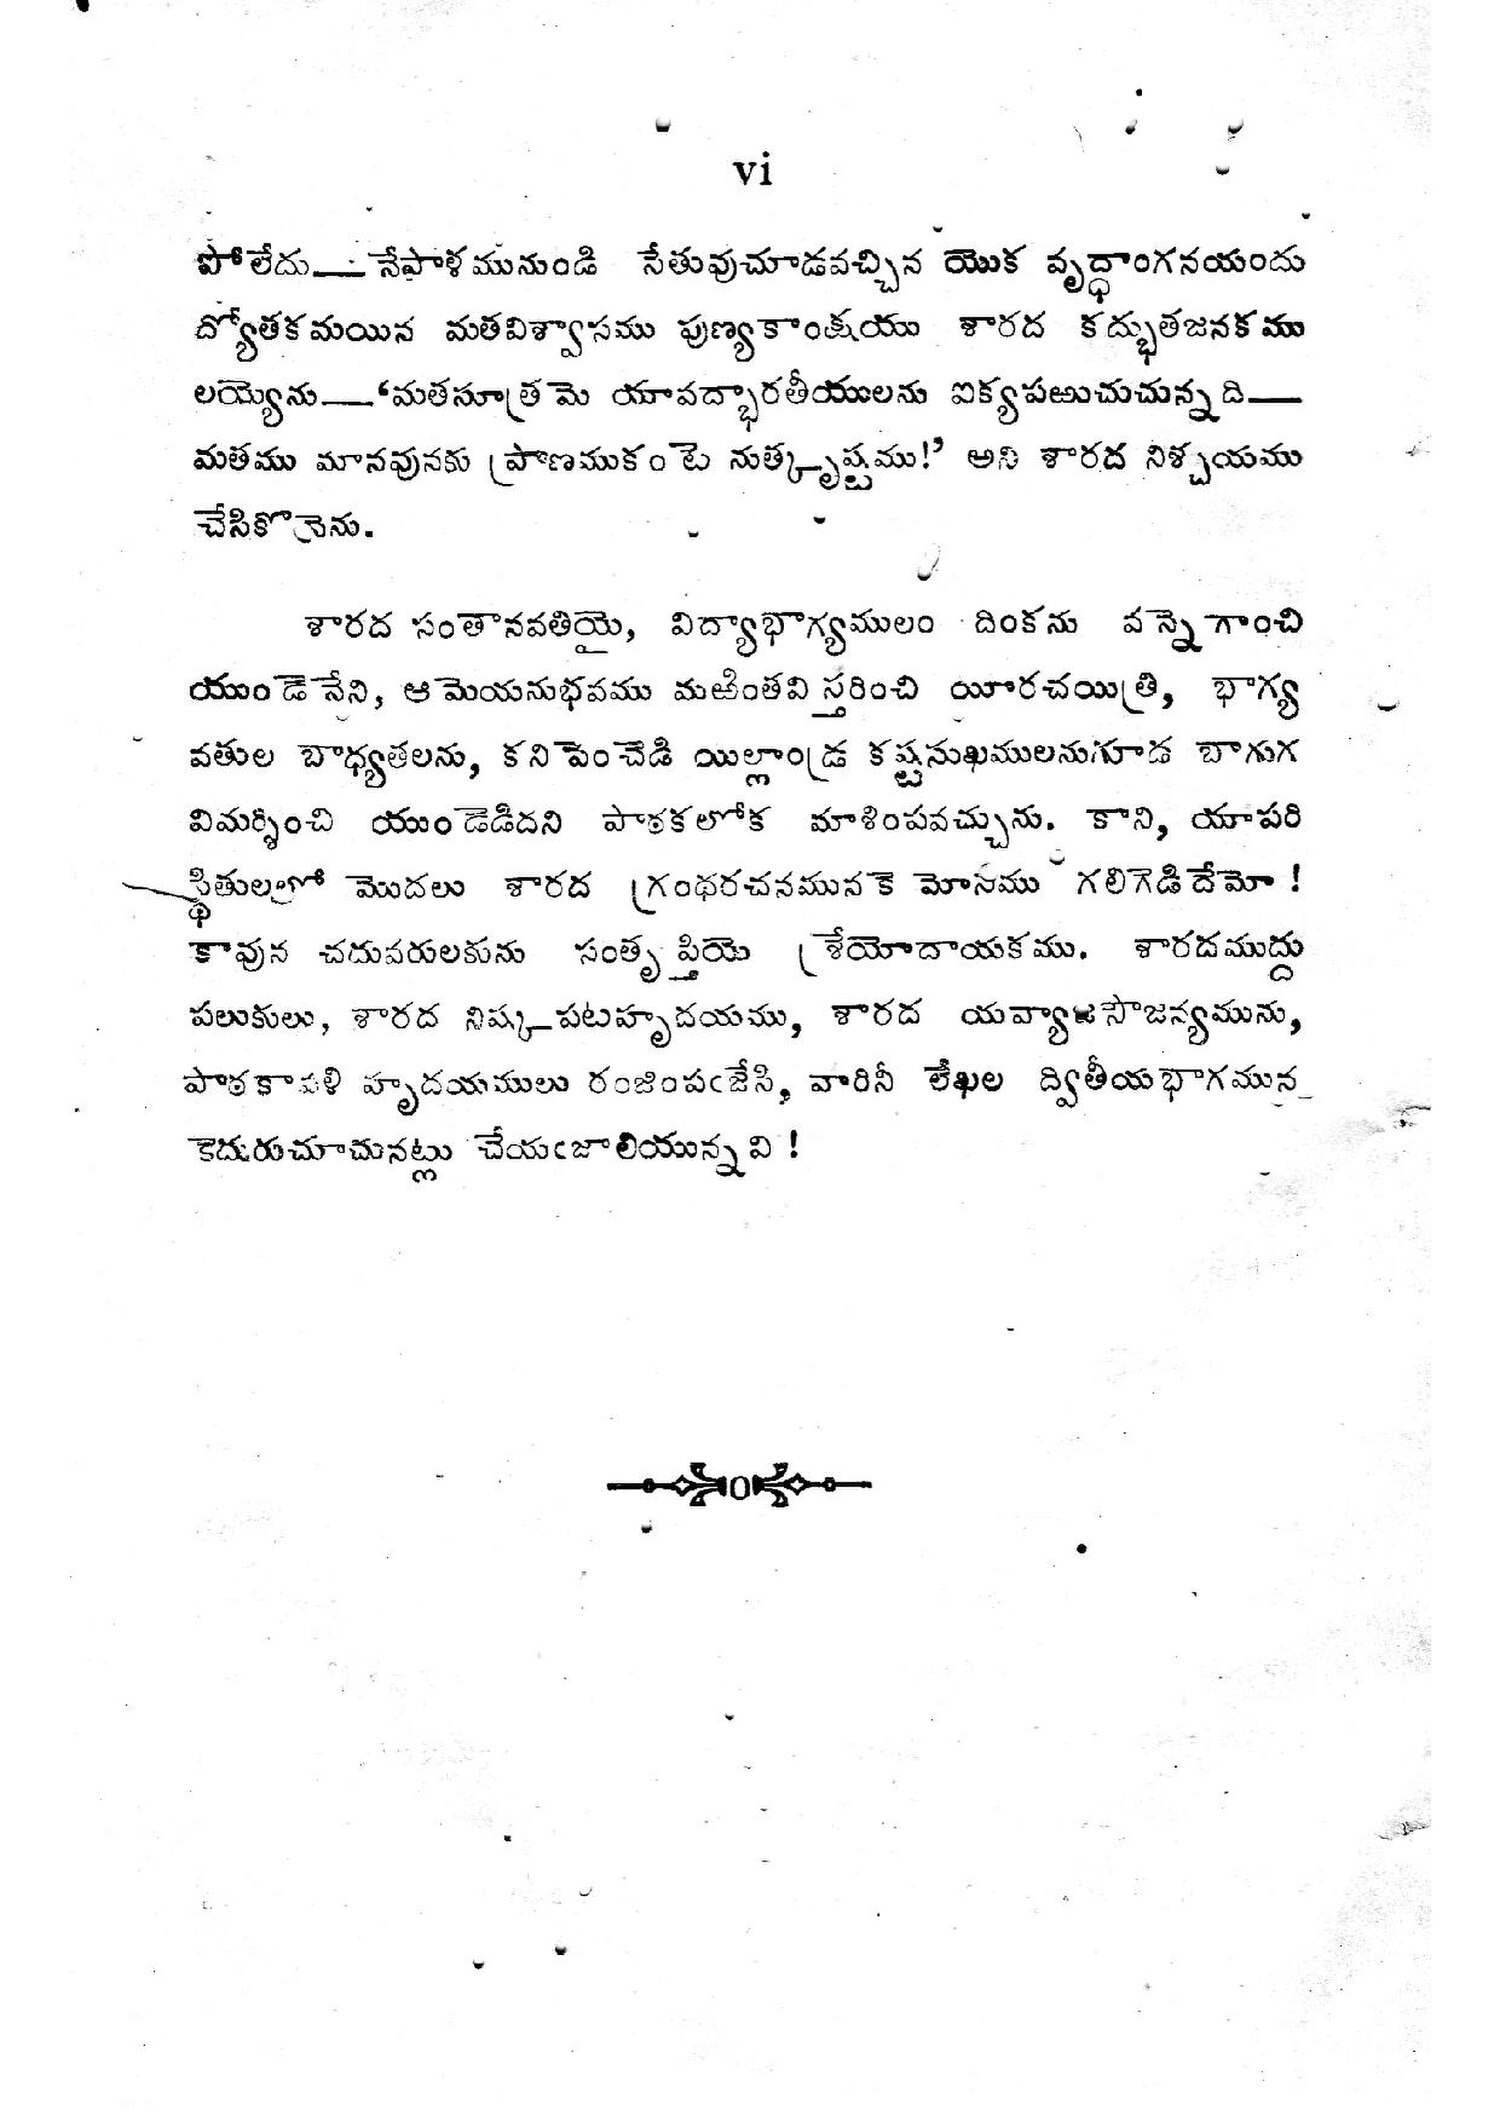పోలేదు - నేపాళమునుండి సేతువుచూడవచ్చిన యొక వృద్ధాంగనయందు ద్యోతకమయిన మతవిశ్వాసము పుణ్యకాంక్షయు శారద కద్భుతజనకములయ్యెను - 'మతసూత్రమె యావద్భారతీయులను ఐక్యపఱుచుచున్నది - మతము మానవునకు ప్రాణముకంటె నుత్కృష్టము!' అని శారద నిశ్చయము
చేసికొనెను.

శారద సంతానవతియై, విద్యాభాగ్యములం దింకను వన్నెగాంచి యుండెనేని, ఆమెయనుభవము మఱింతవిస్తరించి యీరచయిత్రి, భాగ్యవతుల బాధ్యతలను, కనిపెంచెడి యిల్లాండ్ర కష్టసుఖములనుగూడ బాగుగ విమర్శించి యుండెడిదని పాఠకలోక మాశింపవచ్చును. కాని, యాపరిస్థితులలో మొదలు శారద గ్రంథరచనమునకె మోసము గలిగెడిదేమో ! కావున చదువరులకును సంతృప్తియె శ్రేయోదాయకము. శారదముద్దు పలుకులు, శారద నిష్కపటహృదయము, శారద యవ్యాజసౌజన్యమును, పాఠకావళి హృదయములు రంజింపఁజేసి, వారినీ లేఖల ద్వితీయభాగమున కెదురుచూచునట్లు చేయఁజాలియున్నవి